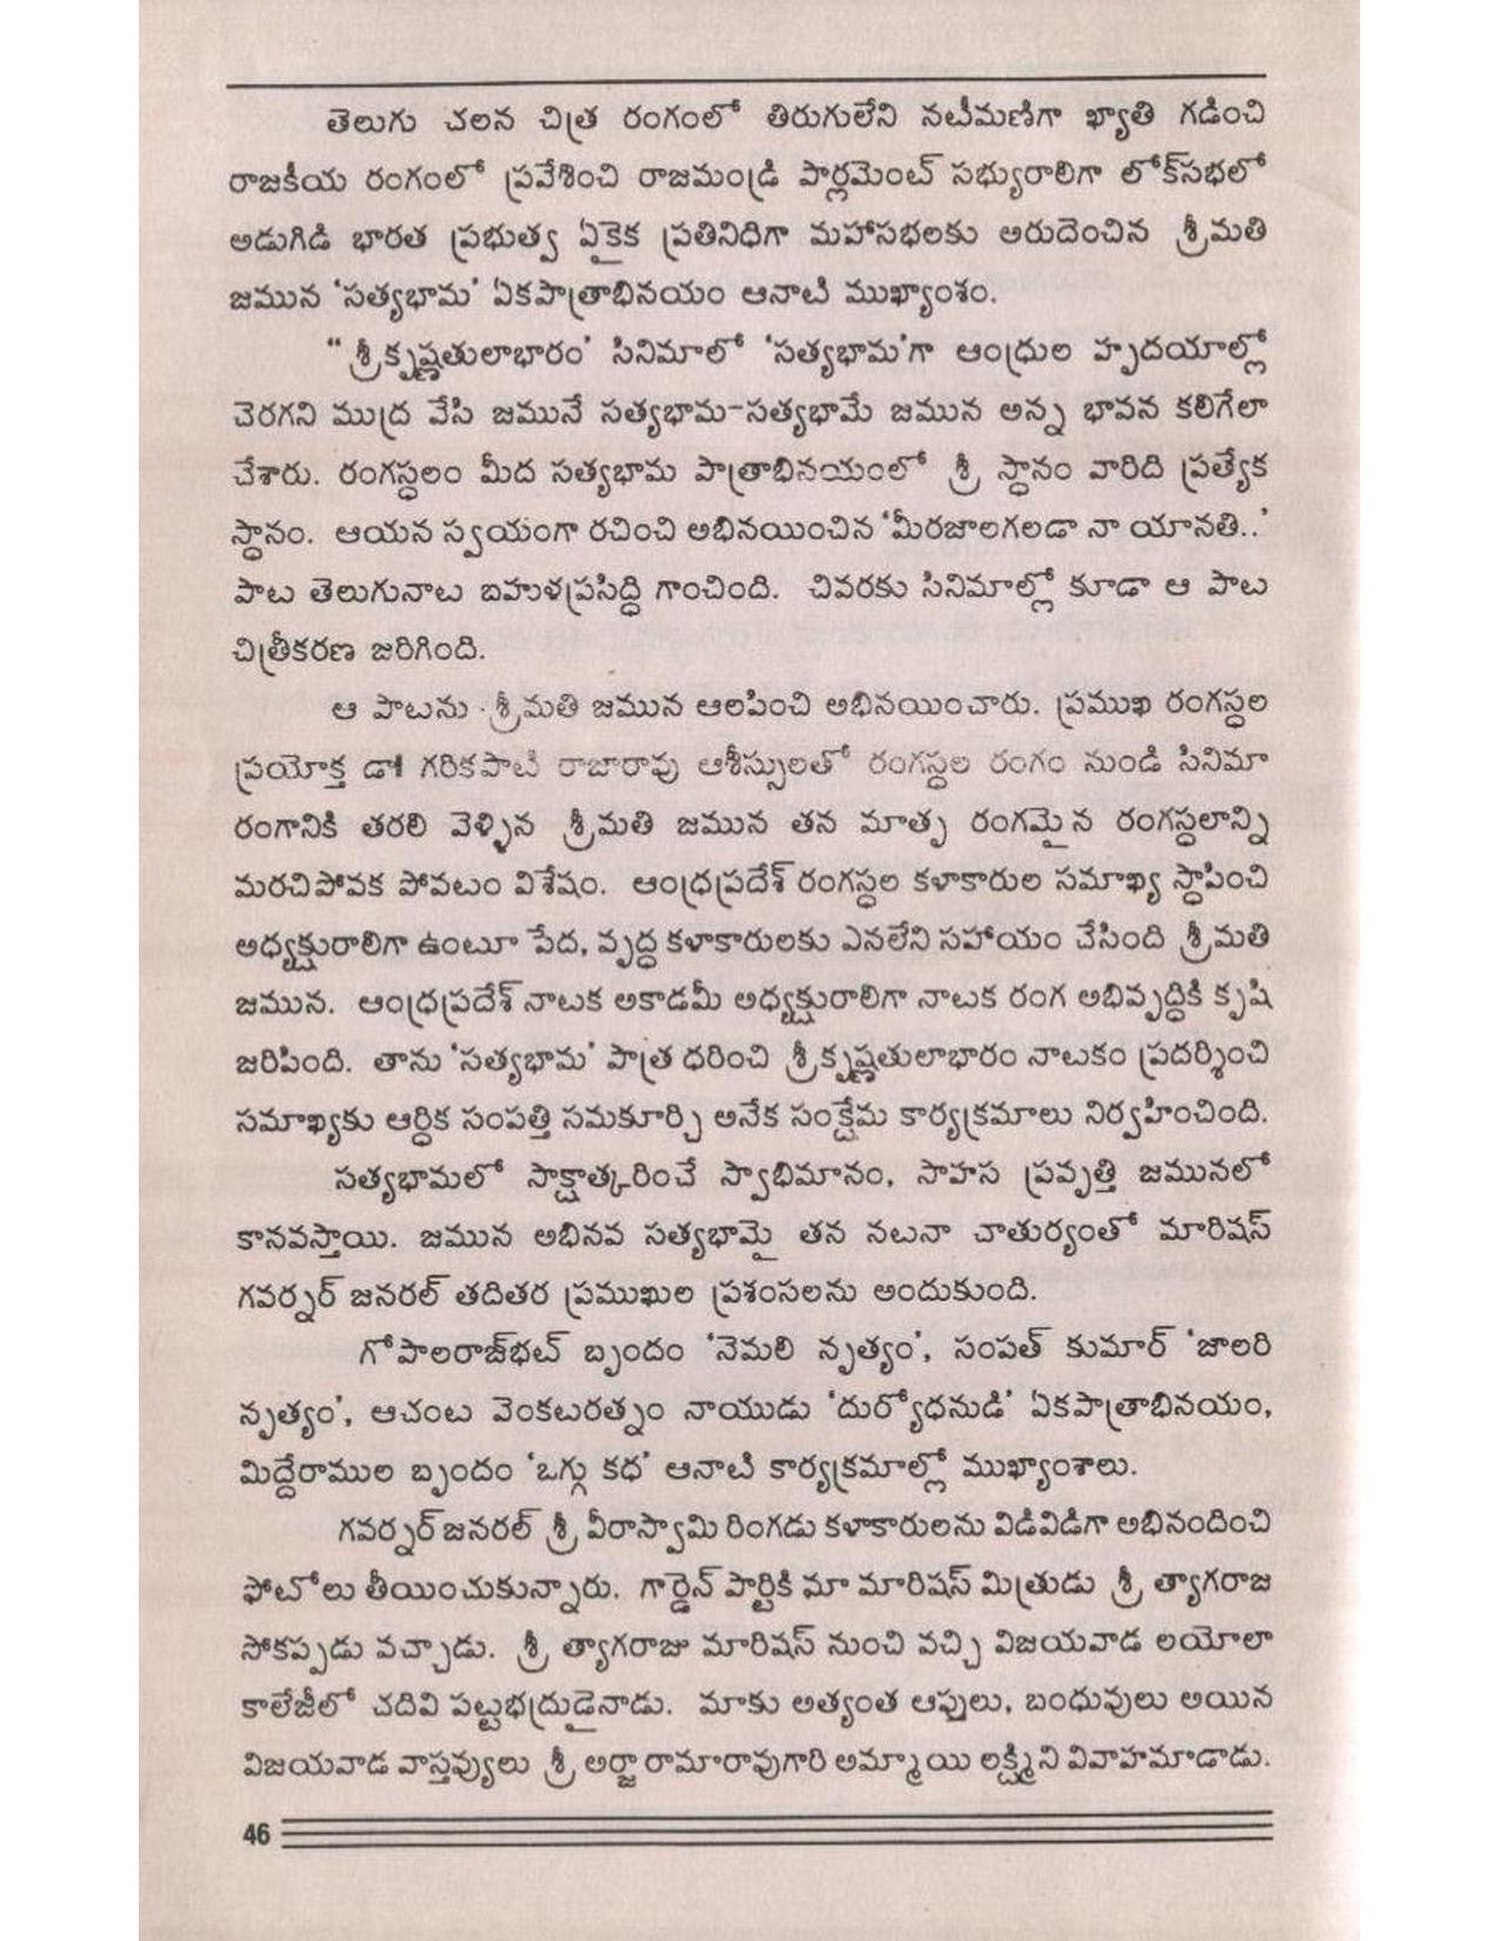తెలుగు చలన చిత్ర రంగంలో తిరుగులేని నటీమణిగా ఖ్యాతి గడించి రాజకీయ రంగంలో ప్రవేశించి రాజమండ్రి పార్లమెంట్ సభ్యురాలిగా లోక్‌సభలో అడుగిడి భారత ప్రభుత్వ ఏకైక ప్రతినిధిగా మహాసభలకు అరుదెంచిన శ్రీమతి జమున 'సత్యభామ' ఏకపాత్రాభినయం ఆనాటి ముఖ్యాంశం.

"శ్రీకృష్ణతులాభారం" సినిమాలో ' సత్యభామ'గా ఆంధ్రుల హృదయాల్లో చెరగని ముద్ర వేసి జమునే సత్యభామ-సత్యభామే జమున అన్న భావన కలిగేలా చేశారు. రంగస్థలం మీద సత్యభామ పాత్రాభినయంలో శ్రీ స్థానం వారిది ప్రత్యేక స్థానం. ఆయన స్వయంగా రచించి అభినయించిన 'మీరజాలగలడా నా యూనతి..' పాట తెలుగునాట బహుళప్రసిద్ధి గాంచింది. చివరకు సినిమాల్లో కూడా ఆ పాట చిత్రీకరణ జరిగింది.

ఆ పాటను శ్రీమతి జమున ఆలపించి అభినయించారు. ప్రముఖ రంగస్థల ప్రయోక్త డా॥ గరికపాటి రాజారావు ఆశీస్సులతో రంగస్థల రంగం నుండి సినిమా రంగానికి తరలి వెళ్ళిన శ్రీమతి జమున తన మాతృ రంగమైన రంగస్థలాన్ని మరచిపోవక పోవటం విశేషం. ఆంధ్రప్రదేశ్ రంగస్థల కళాకారుల సమాఖ్య స్థాపించి అధ్యక్షురాలిగా ఉంటూ పేద, వృద్ధ కళాకారులకు ఎనలేని సహాయం చేసింది శ్రీమతి జమున. ఆంధ్రప్రదేశ్ నాటక అకాడమీ అధ్యక్షురాలిగా నాటక రంగ అభివృద్ధికి కృషి జరిపింది. తాను 'సత్యభామ' పాత్ర ధరించి శ్రీకృష్ణతులాభారం నాటకం ప్రదర్శించి సమాఖ్యకు ఆర్ధిక సంపత్తి సమకూర్చి అనేక సంక్షేమ కార్యక్రమాలు నిర్వహించింది. 

సత్యభామలో సాక్షాత్కరించే స్వాభిమానం, సాహస ప్రవృత్తి జమునలో కానవస్తాయి. జమున అభినవ సత్యభామై తన నటనా చాతుర్యంతో మారిషస్ గవర్నర్ జనరల్ తదితర ప్రముఖుల ప్రశంసలను అందుకుంది.

గోపాలరాజ్ భట్ బృందం 'నెమలి నృత్యం', సంపత్ కుమార్ 'జాలరి నృత్యం', ఆచంట వెంకటరత్నం నాయుడు దుర్యోధనుడి ఏకపాత్రాభినయం, మిద్దేరాముల బృందం 'ఒగ్గు కధ' ఆనాటి కార్యక్రమాల్లో ముఖ్యాంశాలు.

గవర్నర్ జనరల్ శ్రీ వీరాస్వామి రింగడు కళాకారులను విడివిడిగా అభినందించి ఫోటోలు తీయించుకున్నారు. గార్డెన్ పార్టికి మా మారిషస్ మిత్రుడు శ్రీ త్యాగరాజ సోకప్పడు వచ్చాడు. శ్రీ త్యాగరాజు మారిషస్ నుంచి వచ్చి విజయవాడ లయోలా కాలేజీలో చదివి పట్టభద్రుడైనాడు. మాకు అత్యంత ఆప్తులు, బంధువులు అయిన విజయవాడ వాస్తవ్యులు శ్రీ అర్జారామారావుగారి అమ్మాయి లక్ష్మిని వివాహమాడాడు.